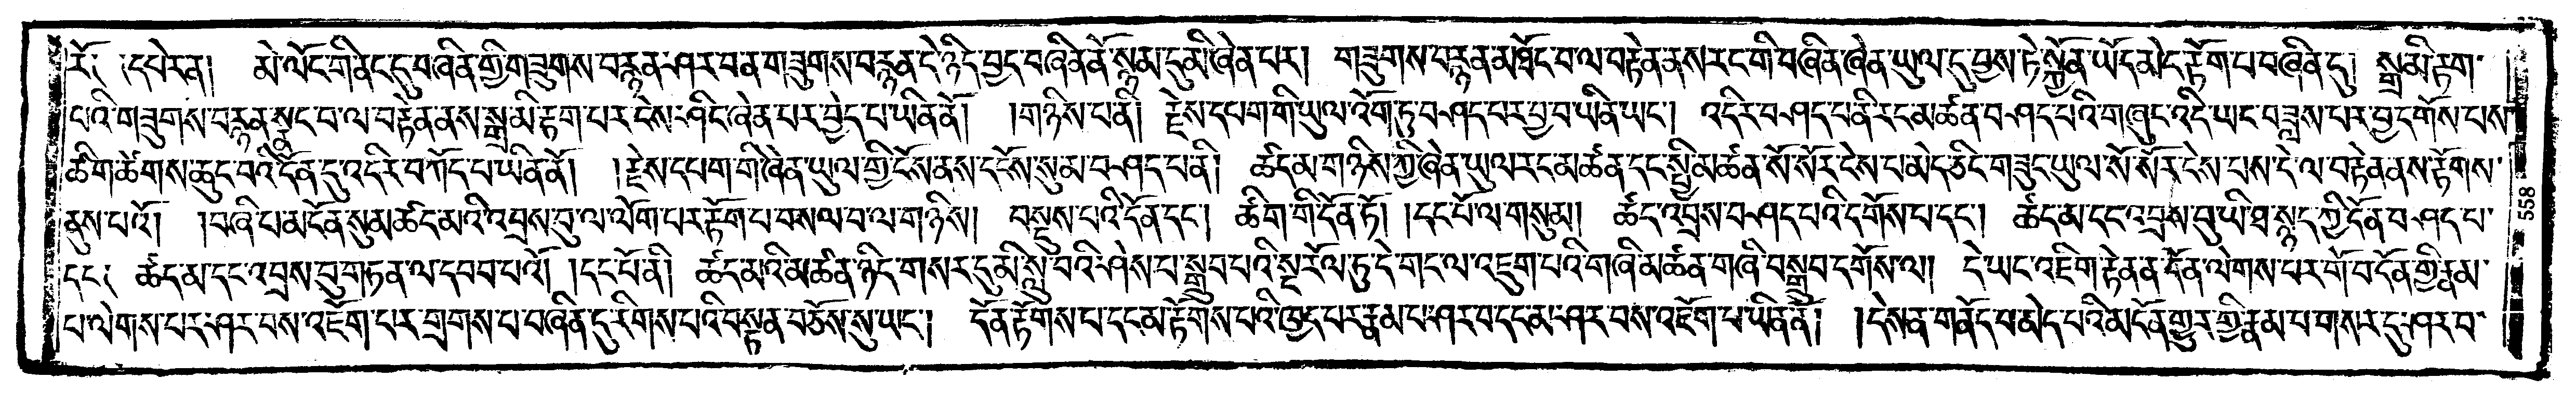རོ༑ ༑དཔེར་ན། མེ་ལོང་གི་ནང་དུ་བཞིན་གྱི་གཟུགས་བརྙན་ཤར་བ་ན་གཟུགས་བརྙན་དེ་ཉིད་བྱང་བཞིན་ནོ་སྙམ་དུ་མི་ཞེན་པར། གཟུགས་བརྙན་མཐོང་བ་ལ་བརྟེན་ནས་རང་གི་བཞིན་ཞེན་ཡུལ་དུ་བྱས་ཏེ་སྐྱོན་ཡོད་མེད་རྟོག་པ་བཞིན་དུ། སྒྲ་མི་རྟག་
པའི་གཟུགས་བརྙན་སྣང་བ་ལ་བརྟེན་ནས་སྒྲ་མི་རྟག་པར་ངེས་ཤིང་ཞེན་པར་བྱེད་པ་ཡིན་ནོ། །གཉིས་པ་ནི། རྗེས་དཔག་གི་ཡུལ་འོག་ཏུ་བཤད་པར་བྱ་བ་ཡིན་ཡང་། འདིར་བཤད་པ་ནི་རང་མཚན་བཤད་པའི་གཞུང་འདི་ཡང་བཟླས་པར་བྱ་དགོས་པས་
ཚིག་ཚེགས་ཆུང་བའི་དོན་དུ་འདིར་བཀོད་པ་ཡིན་ནོ། །རྗེས་དཔག་གི་ཞེན་ཡུལ་གྱི་ངོས་ནས་དངོས་སུ་མ་བཤད་པ་ནི། ཚད་མ་གཉིས་ཀྱི་ཞེན་ཡུལ་རང་མཚན་དང་སྤྱི་མཚན་སོ་སོར་ངེས་པ་མེད་ཅིང་གཟུང་ཡུལ་སོ་སོར་ངེས་པས་དེ་ལ་བརྟེན་ནས་རྟོགས་
ནུས་པའོ། །བཞི་པ་མངོན་སུམ་ཚད་མའི་འབྲས་བུ་ལ་ལོག་པར་རྟོག་པ་བསལ་བ་ལ་གཉིས། བསྡུས་པའི་དོན་དང་། ཚིག་གི་དོན་ཏོ། །དང་པོ་ལ་གསུམ། ཚད་འབྲས་བཤད་པའི་དགོས་པ་དང་། ཚད་མ་དང་འབྲས་བུ་ཡི་ཐ་སྙད་ཀྱི་དོན་བཤད་པ་
དང༑ ཚད་མ་དང་འབྲས་བུ་གཏན་ལ་དབབ་པའོ། །དང་པོ་ནི། ཚད་མའི་མཚན་ཉིད་གསར་དུ་མི་སླུ་བའི་ཤེས་པ་སྒྲུབ་པའི་སྔ་རོལ་ཏུ་དེ་གང་ལ་འཇུག་པའི་གཞི་མཚན་གཞི་བསྒྲུབ་དགོས་ལ། དེ་ཡང་འཇིག་རྟེན་ན་དོན་ལེགས་པར་གོ་བ་དོན་གྱི་རྣམ་
པ་ལེགས་པར་ཤར་བས་འཇོག་པར་གྲགས་པ་བཞིན་དུ་རིགས་པའི་བསྟན་བཅོས་སུ་ཡང་། དོན་རྟོགས་པ་དང་མ་རྟོགས་པའི་ཁྱད་པར་རྣམ་པ་ཤར་བ་དང་མ་ཤར་བས་འཇོག་པ་ཡིན་ནོ། །དེས་ན་གནོད་པ་མེད་པའི་མངོན་གྱུར་གྱི་རྣམ་པ་གསར་དུ་ཤར་བ་